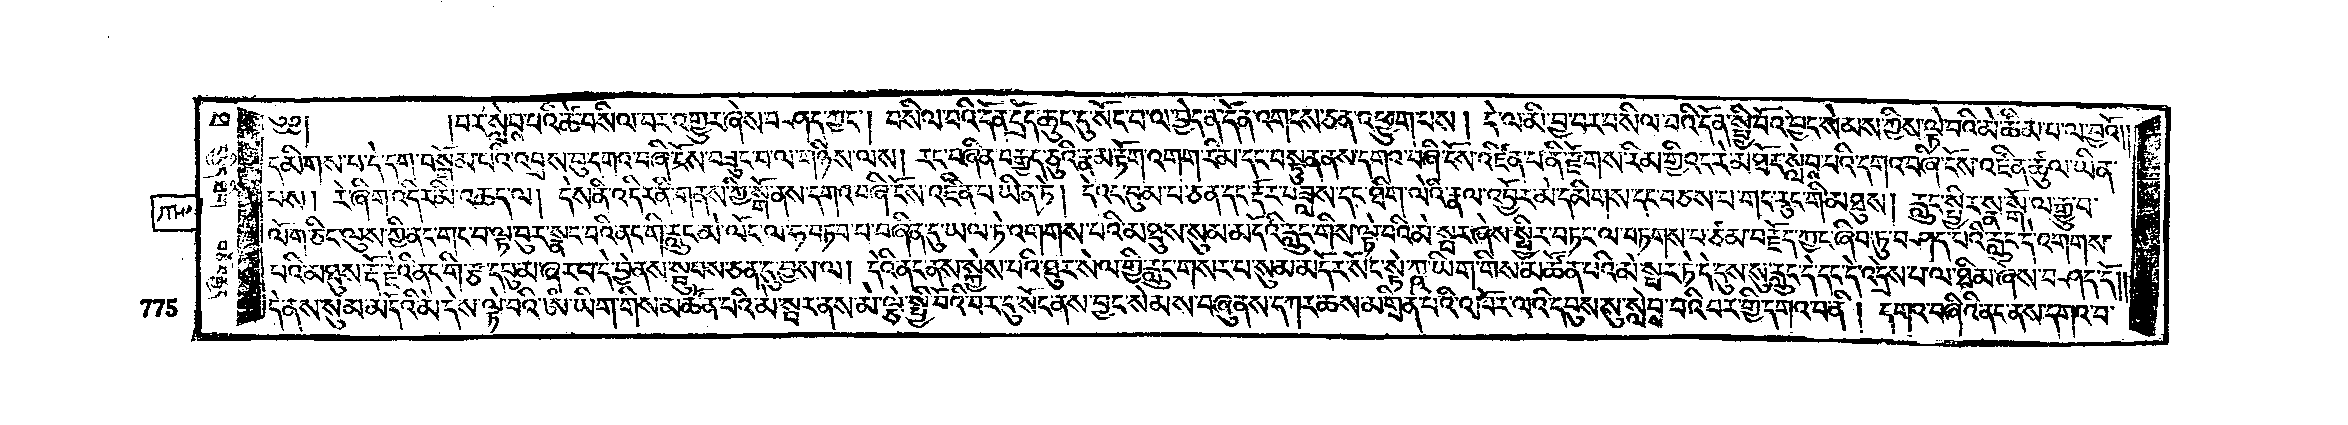༄༅། །བར་སླེབས་པའི་ཚེ་བསིལ་བར་འགྱུར་ཞེས་བཤད་ཀྱང་། བསལ་བའི་དོན་དྲོད་ཆུང་དུ་སོང་བ་ལ་བྱེད་ན་དོན་འགངས་ཅན་འཕྱུག་པས། དེ་ལ་མི་བྱ་བར་བསིལ་བའི་དོན་སྤྱི་བོའི་བྱང་སེམས་ཀྱིས་ལྟེ་བའི་མེ་ཚིམ་པ་ལ་བྱའོ། །
དམིགས་པ་དེ་དག་བསྒོམ་པའི་འབྲས་བུ་དགའ་བཞི་ངོས་བཟུང་བ་ལ་གཉིས་ལས། རང་བཞིན་བརྒྱད་ཅུའི་རྣམ་རྟོག་འགག་རིམ་དང་བསྟུན་ནས་དགའ་བཞི་ངོས་འཛིན་པ་ནི་རྫོགས་རིམ་གྱིའང་རེ་མཐོར་སླེབས་པའི་དགའ་བཞི་ངོས་འཛིན་ཚུལ་ཡིན་
པས། རེ་ཞིག་འདིར་མི་འཆད་ལ། དེས་ནི་འདིར་ནི་གནས་ཀྱི་སྒོ་ནས་དགའ་བཞི་ངོས་འཛིན་པ་ཡིན་ཏེ། དེའང་བུམ་པ་ཅན་དང་རྡོར་བཟླས་དང་ཐིག་ལེའི་རྣལ་འབྱོར་མེ་དམིགས་དང་བཅས་པ་གང་རུང་གི་མཐུས། རླུང་སྤྱིར་སྣ་སྒོ་ལ་རྒྱུ་བ་
ལོག་ཅིང་ལུས་ཀྱི་ནང་གང་བ་ལྟ་བུར་སྣང་བའི་ནང་གི་རླུང་མེ་ལོང་ལ་ཧ་བཏབ་པ་བཞིན་དུ་ཡལ་ཏེ་འགགས་པའི་མཐུས་སུམ་མདོའི་རླུང་གིས་ལྟེ་བའི་མེ་སྦར་ཞེས་སྤྱིར་བཏང་ལ་བཏགས་པ་ཙམ་བརྗོད་ཀྱང་ཞིབ་ཏུ་བཤད་པའི་རླུང་དེ་འགགས་
པའི་མཐུས་རྡོ་རྗེའི་ནང་གི་རྩ་དབུ་མ་ཞར་བ་དེ་བྱེ་ནས་སྦུབས་ཅན་དུ་བྱས་ལ། དེའི་ནང་ནས་སྐྱེས་པའི་ཐུར་སེལ་གྱི་རླུང་གསར་པ་སུམ་མདོར་སོང་སྟེ་ཀྵ་ཡིག་གིས་མཚོན་པའི་མེ་སྤར་ཏེ་དེ་དུས་སུ་རླུང་དེ་དང་དེ་འདྲེས་པ་ལ་ཐིམ་ཞེས་བཤད་དོ། །
དེ་ནས་སུམ་མདོའི་མེ་དེས་ལྟེ་བའི་ཨཾ་ཡིག་གིས་མཚོན་པའི་མེ་སྦར་ནས་མེ་ལྕེ་སྤྱི་བོའི་བར་དུ་སོང་ནས་བྱང་སེམས་བཞུ་ནས་དཀར་ཆས་མགྲིན་པའི་འཁོར་ལོའི་དབུས་སུ་སླེབས་པའི་བར་གྱི་དགའ་བ་ནི། དགའ་བཞིའི་ནང་ནས་དགའ་བ་